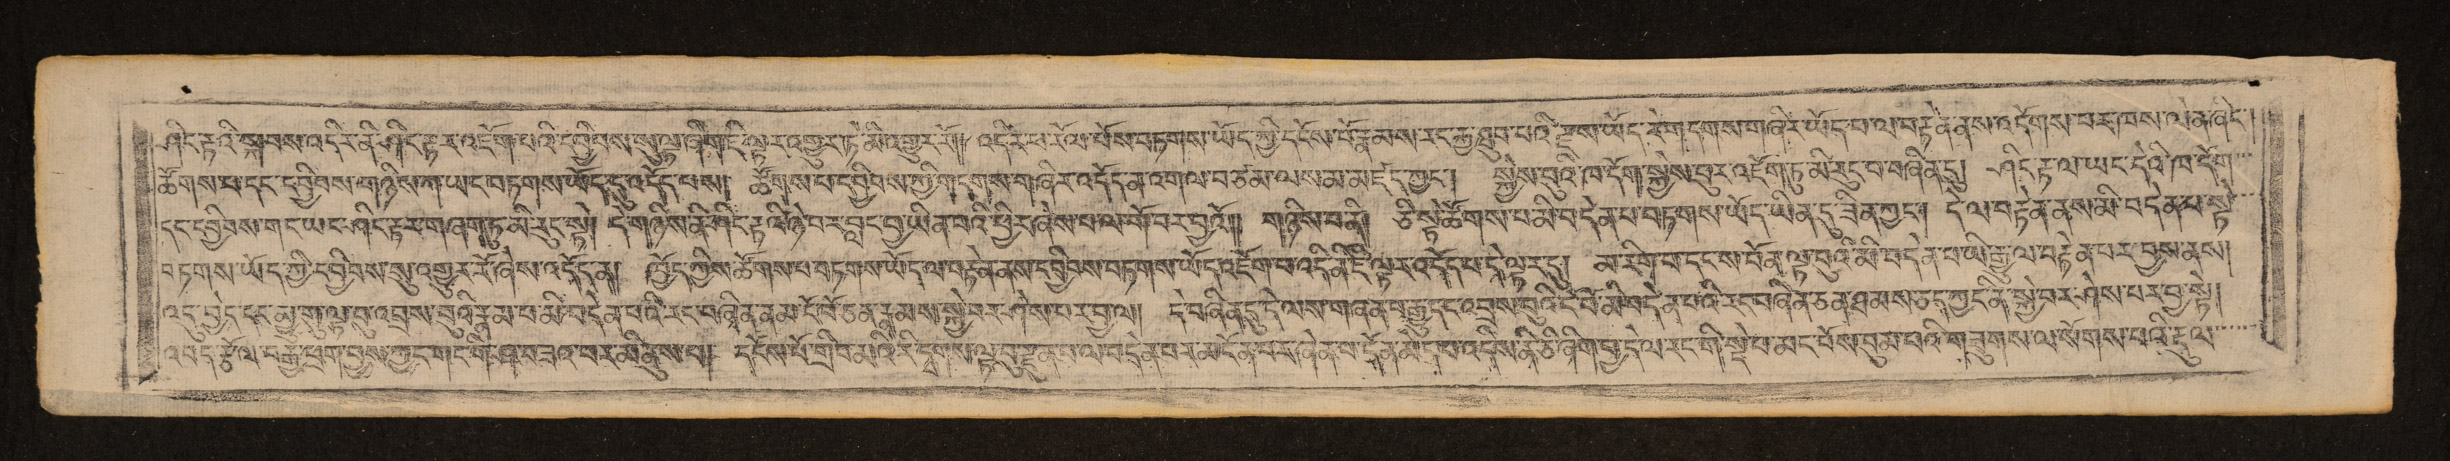ཤིང་རྟའི་སྐབས་འདིར་ནི་ཤིང་རྟར་འཇོག་པའི་དབྱིབས་སུ་ལྟ་ཞིག་ཇི་ལྟར་འགྱུར་ཏེ་མི་འགྱུར་རོ།། འདིར་ཕ་རོལ་པོས་བཏགས་ཡོད་ཀྱི་དངོས་པོ་རྣམས་རང་རྐྱ་ཐུབ་པའི་རྫས་ཡོད་རེ་གདགས་གཞིར་ཡོད་པ་ལ་བརྟེན་ནས་འདོགས་པར་ཁས་ལེན་ཞིང་།
ཚོགས་པ་དང་དབྱིབས་གཉིས་ཀ་ཡང་བཏགས་ཡོད་དུ་འདོད་པས། ཚོགས་པ་དབྱིབས་ཀྱི་གདགས་གཞིར་འདོད་ན་འགལ་བ་ཙམ་ལས་མ་མཛད་ཀྱང་། སྐྱེས་བུའི་ཁ་དོག་སྐྱེས་བུར་འཇོག་ཏུ་མི་རུང་བ་བཞིན་དུ། ཤིང་རྟ་ལ་ཡང་དེའི་ཁ་དོག་
དང་དབྱིབས་གང་ཡང་ཤིང་རྟར་གཞག་ཏུ་མི་རུང་སྟེ། དེ་གཉིས་ནི་ཤིང་རྟའི་ཉེ་བར་བླང་བྱ་ཡིན་པའི་ཕྱིར་ཞེས་པ་ལ་གོ་བར་བྱའོ།། གཉིས་པ་ནི། ཅི་སྟེ་ཚོགས་པ་མི་བདེན་པ་བཏགས་ཡོད་ཡིན་དུ་ཟིན་ཀྱང་། དེ་ལ་བརྟེན་ནས་མི་བདེན་པ་སྟེ་
བཏགས་ཡོད་ཀྱི་དབྱིབས་སུ་འགྱུར་རོ་ཞེས་འདོད་ན། ཁྱོད་ཀྱིས་ཚོགས་པ་བཏགས་ཡོད་ལ་བརྟེན་ནས་དབྱིབས་བཏགས་ཡོད་འཇོག་པ་འདི་ནི་ཇི་ལྟར་འདོད་པ་དེ་ལྟར་དུ། མ་རིག་པ་དང་ས་བོན་ལྟ་བུའི་མི་བདེན་པ་ཡི་རྒྱུ་ལ་བརྟེན་པར་བྱས་ནས།
འདུ་བྱེད་དང་མྱུ་གུ་ལྟ་བུ་འབྲས་བུའི་རྣམ་པ་མི་བདེན་པའི་རང་བཞིན་ནམ་ངོ་བོ་ཅན་རྣམས་སྐྱེ་བར་ཤེས་པར་བྱ་ལ། དེ་བཞིན་དུ་དེ་ལས་གཞན་པ་རྒྱུ་དང་འབྲས་བུའི་ངོ་བོ་མི་བདེན་པའི་རང་བཞིན་ཅན་ཐམས་ཅད་ཀྱང་ནི་སྐྱེ་བར་ཤེས་པར་བྱ་སྟེ།
འབད་རྩོལ་བརྒྱ་ཕྲག་བྱས་ཀྱང་གང་གི་ཤ་བཟའ་བར་མི་ནུས་པ། དངོས་པོ་གྲིབ་མའི་རི་དྭགས་ལྟ་བུ་བརྫུན་པ་ལ་བདེན་པར་མངོན་པར་ཞེན་པ་དོན་མེད་པ་འདིས་ནི་ཅི་ཞིག་བྱ་དེ་ལ་རང་གི་སྡེ་པ་མང་པོས་བུམ་པའི་གཟུགས་ལ་སོགས་པའི་རྡུལ་